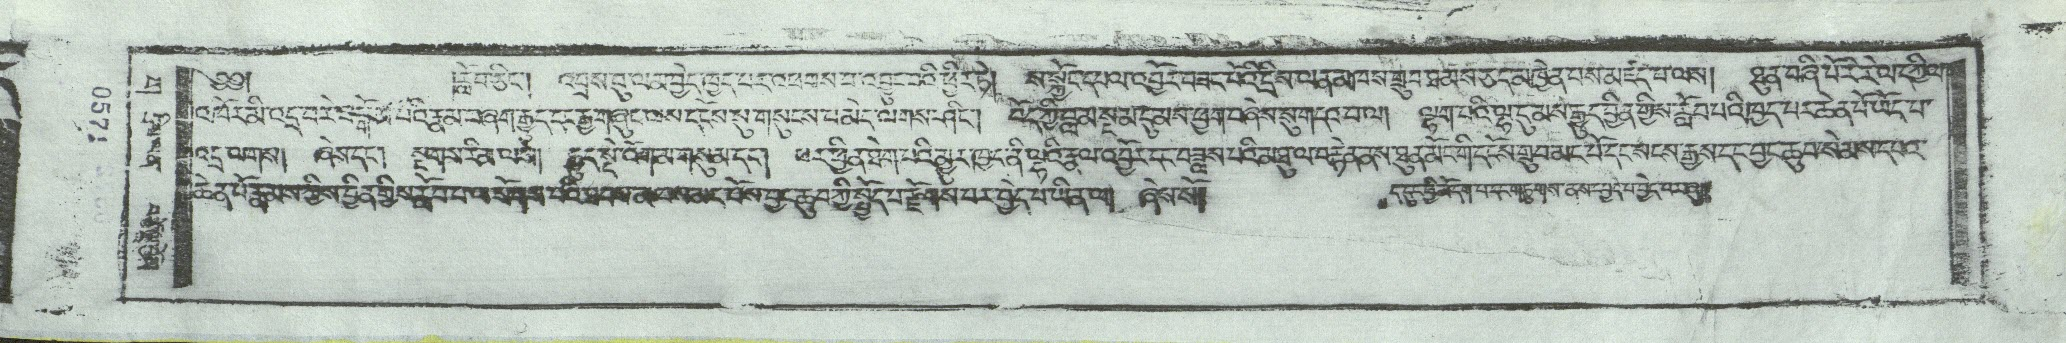༄༅། །རློབ་ཅིང་། འབྲས་བུ་ལམ་བྱེད་ཁྱད་པར་འཕགས་པ་འབྱུང་བའི་ཕྱིར་ཏེ། ས་སྐྱོང་དཔལ་འབྱོར་བཟང་པོའི་དྲིས་ལན་མཁས་གྲུབ་ཐམས་ཅད་མཁྱེན་པས་མཛད་པ་ལས། ཐུན་བཞི་པོ་རེ་རེ་ལ་དཀྱིལ་
འཁོར་མི་འདྲ་བ་རེ་བསྒོམ་པའི་རྣམ་བཞག་རྒྱུད་དང་རྒྱ་གཞུང་ལས་དངོས་སུ་གསུངས་པ་མེད་ལགས་ཤིང་། བོད་ཀྱི་བླ་མ་སྔ་མ་དུ་མས་ཕྱག་བཞེས་སུ་གདའ་བ་ལ། ལྷག་པའི་ལྷ་དུ་མས་རྒྱུད་བྱིན་གྱིས་རློབ་པའི་ཁྱད་པར་ཆེན་པོ་ཡོད་པ་
འདྲ་ལགས། ཞེས་དང་། སྔགས་རིམ་ལས། རྒྱུད་སྡེ་འོག་མ་གསུམ་དང་། ཕར་ཕྱིན་ཐེག་པའི་མྱུར་ཁྱད་ནི་ལྷའི་རྣལ་འབྱོར་དང་བཟླས་པའི་མཐུལ་བརྟེན་ནས་ཐུན་མོང་གི་དངོས་གྲུབ་མང་པོ་དང་སངས་རྒྱས་དང་བྱང་ཆུབ་སེམས་དཔ་
ཆེན་པོ་རྣམས་ཀྱིས་བྱིན་གྱིས་རློབ་པ་ལ་སོགས་པའི་ཐབས་མཁས་མང་པོས་བྱང་ཆུབ་ཀྱི་སྤྱོད་པ་རྫོགས་པར་བྱེད་པ་ཡིན་ལ། ཞེས་སོ།། ད་དུང་ཕྱི་མོ་དག་བ་དང་གཏུགས་ནས་བྱངས་བྱེད་བར་ཞུ།།